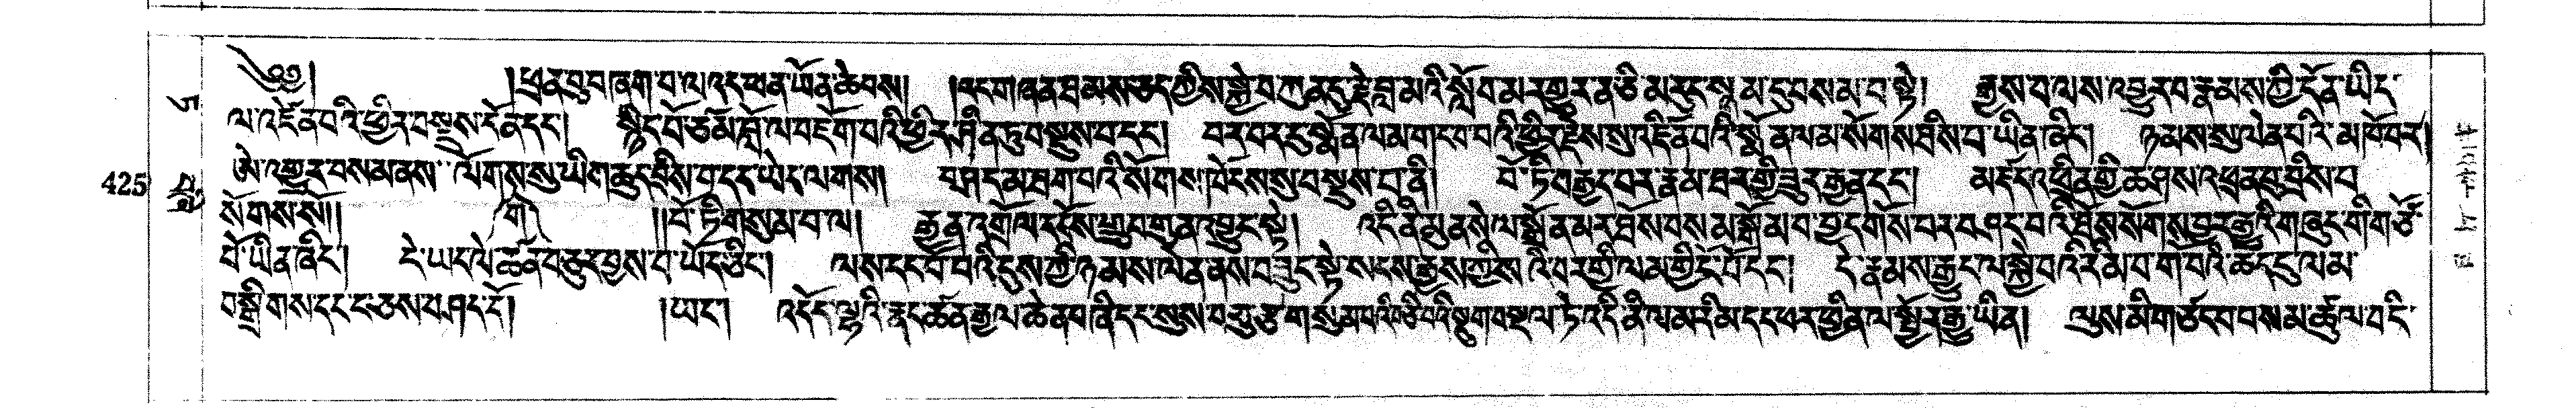༄༅། །ཕྲན་བུ་བཞག་བ་ལའང་ཕན་ཡོན་ཆེབས། །རང་གཞན་ཐམས་ཅད་ཀྱིས་སྐྱེ་བ་ཀུན་དུ་རྗེ་བླ་མའི་སློབ་མར་གྱུར་ན་ཅི་མ་རུང་སྙམ་དུ་བསམ་བ་སྟེ། རྒྱས་བ་ལས་འབྱུང་བ་རྣམས་ཀྱི་དོན་ཡིད་
ལ་འཛེན་བའི་ཕྱིར་བསྡུས་དོན་དང་། སྙིང་བོ་ཙམ་བློ་ལ་བྗོག་བའི་ཕྱིར་ཤིན་ཏུ་བསྡུས་བ་དང་། བར་བར་དུ་སྨོན་ལམ་གང་བ་བའི་ཕྱིར་རྗེས་སུ་འཛིན་བའི་སྨོན་ལམ་སོགས་ཐིས་བ་ཡིན་ཞིང་། ཉམས་སུ་ལེན་པའི་མཁོ་བར།
ཨེ་འགྱུར་བསམ་ནས་ལོགས་སུ་ཡིག་ཆུད་བྲིས་བ་དང་ཡེང་ལགས། བཤད་མ་ཐག་བའི་སོགས་ཁོངས་སུ་བསྡུས་པ་ནི། བོ་ཏི་བརྒྱད་བར་རྣམ་ཐར་གྱི་ཟུར་རྒྱན་དང་། མཛད་འཕྲིན་གྱི་ཆ་ཤས་འཕྲན་བུ་བྲིས་པ་
སོགས་སོ།། ག྄་།།བོ་ཏི་གསུམ་བ་ལ། རྒྱན་འགྲོལ་དངོས་གྲུབ་གུན་འབྱུང་སྟེ། འདི་ནི་མུན་སེལ་སྒྲོན་མར་ཐོས་བསམ་སྒོམ་བ་བྱ་དགོས་བར་བཤད་བའི་ཐོས་སོགས་བྱར་རྒྱུའི་གཞུང་གི་གཙོ་
བོ་ཡིན་ཞིང་། དེ་ཡང་ལེ་ཚན་བཅུང་བྱས་བ་ཡོད་ཅིང་། ལས་དང་བོ་བའི་དུས་ཀྱི་ཉམས་ལེན་ནས་བཟུང་སྟེ་སངས་རྒྱས་ཀྱི་སའི་བར་གྱི་ལམ་གྱི་ངོ་བོ་དང་། དེ་རྣམས་རྒྱུད་ལ་སྐྱེ་བའི་རིམ་བ་གོ་བའི་ཆད་དུ་ལམ་
བསྒྲིགས་དང་བཅས་བཤད་དོ། །ཡང་། འདོད་ལྷའི་རྣང་ཚན་རྒྱལ་ཆེན་བཞི་དང་སུས་བཅུ་རྩ་གསུམ་བའི་བཅི་བའི་སྡུག་བསྔལ་ཏེ་འདི་ནི་ལམ་རིམ་དང་ཕར་ཕྱིན་ལ་སྤྱོར་རྒྱུ་ཡིན། ལུས་མི་གཙང་བ་བསམ་ཚུལ་བདི་